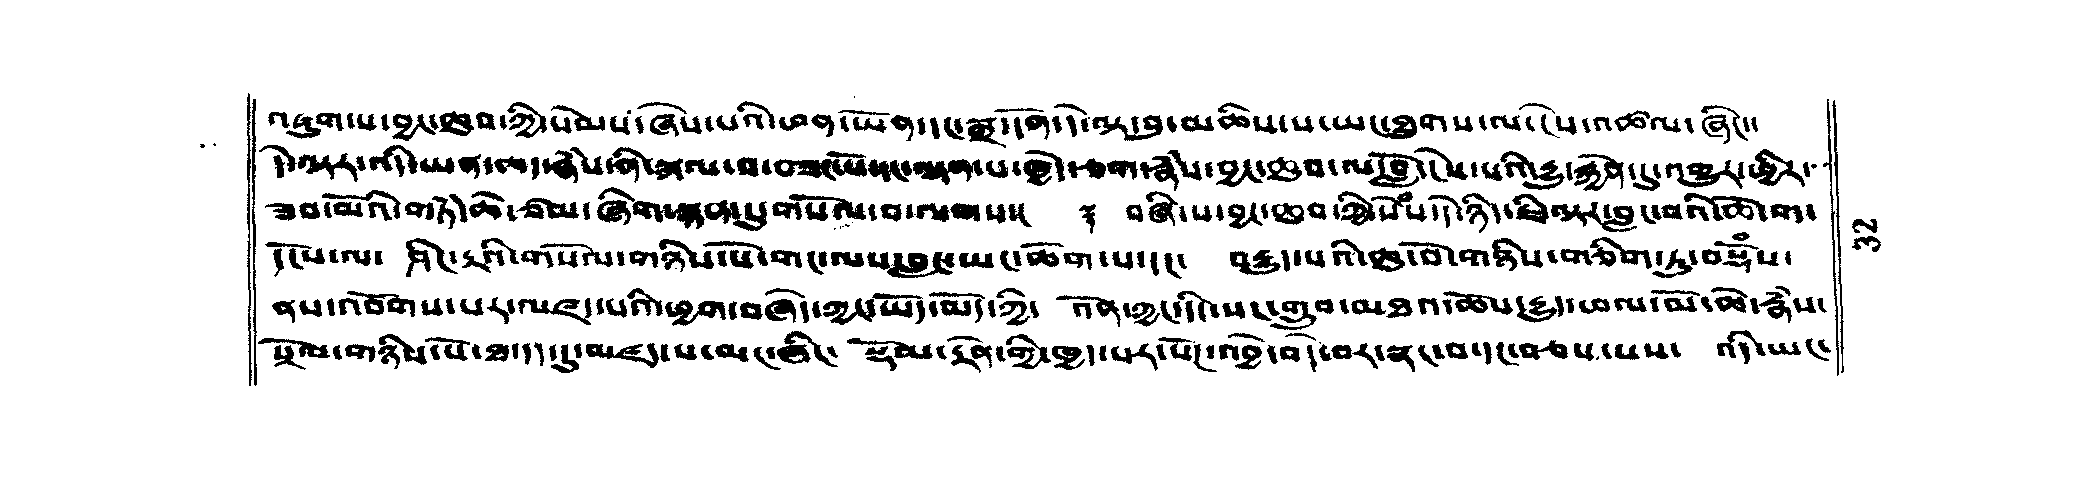འཇུག་པ་བྱང་ཆུབ་ཀྱི་སེམས་ཞེས་པའི་ཕན་ཡོན་དང་སྒྲ་དོན་དེ་ལྟ་བུ་མཆིས་པ་ཡང་ཐུགས་ལ་ངེས་འཚལ་ཞིང་། 
དེ་ལྟར་འདི་ཡན་ཆད་རྣམས་ནི་སྐལ་བ་བཟང་པོ་དང་ལྷན་པ་ཁྱེད་ཅག་རྣམས་བྱང་ཆུབ་ལ་བློ་ངེས་པའི་རྒྱུ་རྐྱེན་དུ་འགྱུར་ཕྱིར་
ཟབ་མོའི་གཏམ་ཆེ་ཙམ་ཞིག་སྙན་དུ་གསོལ་བ་ལགས། ༈ བཞི་པ་བྱང་ཆུབ་ཀྱི་སེམས་དེ་ཉིད་ཇི་ལྟར་བླང་བའི་ཆོ་ག་
དངོས་ལ། ཤིང་རྟཱི་གསོལ་གནིས་པོ་གང་ལས་བླང་ཡང་ཆོག་པ་དང་། བརྒྱུད་པའི་ཆུ་བོ་གཉིས་གཅིག་ཏུ་བསྡོམས་
ནས་འབོགས་པར་མཛད་པའི་ཕྱག་བཞེད་ཀྱང་ཡོད་མོད་ཀྱི། འོན་ཀྱང་དིང་སང་གྲུབ་མཐའ་ཆོས་རྒྱུད་ཕལ་མོ་ཚེ་རྣམས་
སྲོལ་གཉིས་པོ་ཐ་དད་དུ་མཛད་པའི་མང་ཞིང་། སྡོམ་རྟེན་གྱི་ཀྱེད་པར་སོགས་འབྱེ་བདེ་བར་སྣང་བ་དང་བཅས་པས། འདི་ཡང་